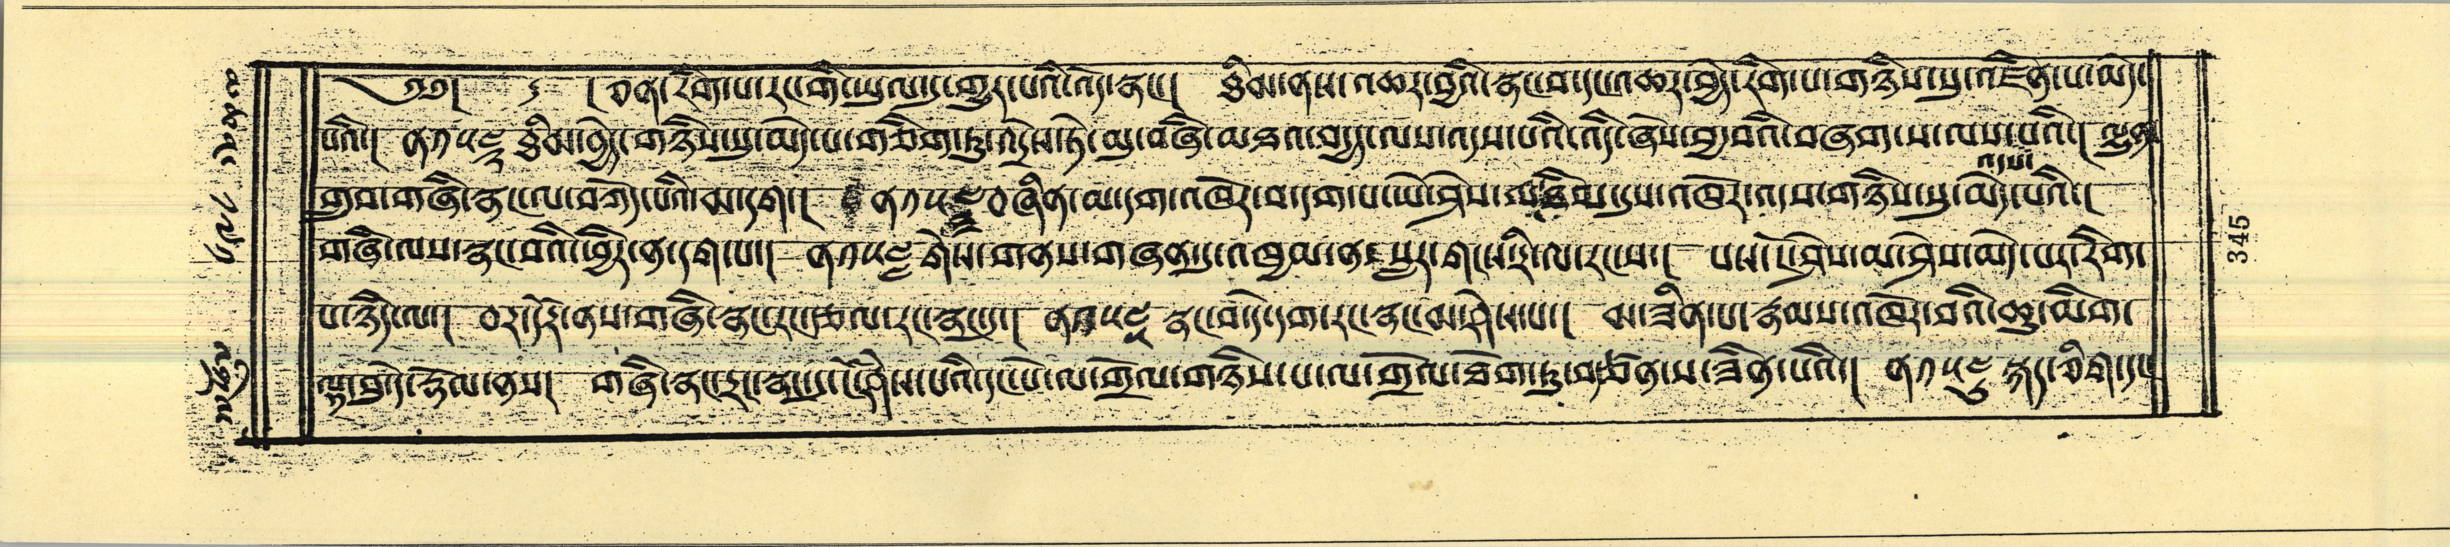༼ཅན་༽རིག་པ་རང་གི་ཡུལ་དུ་གྱུར་པའི་འོད་སྣང། ༼ཐིམ་ནས་༽འཆར་བྱའི་སྣང་བ་དང་འཆར་བྱེད་རིག་པ་གཉིས་སུ་འཛིན་པ་མེད་
པའི། ན༡༥༤།༢ ༼ཐིམ་བྱེད་༽གཉིས་སུ་མེད་པ་གཅིག་ཏུ་ ༼འདྲེས་ཏེ་༽མུ་བཞི་མཐའ་བརྒྱད་ལས་འདས་པའི་འདི་ཞེས་བྱ་བའི་བཞག་པ་ལས་འདས་པའི། ལྷུན་
གྲུབ་གཞི་སྣང་ལ་བཀོད་པའི་ ༼མ་དག།༽ན༡༥༤།༣ ༼བཞིན་༽མ་དག་འཁོར་བ་དག་པ་ཡེ་ཤེས་ལ་ཐིམ་དུས་འཁོར་འདས་གཉིས་སུ་མེད་པའི། 
གཞི་ལས་སྣང་བའི་ཕྱིར་ན་ ༼དག་པ།༽ན༡༥༤།༤ ༼གེས་༽གནས་གཞན་དུ་འཁྱམ་ན་སླར་ ༼གངས་རི་ལ་༽རང་ས། ༼པས་༽ངོ་ཤེས་མ་ཤེས་མེད་པར་རིག་
པ་ཉིད་ལ། ༼བར་དོར་༽ནས་གཞི་སྣང་རང་རྩལ་རང་སྣང་དུ། ན༡༥༤།༥ སྣང་བ་དེ་དག་རང་སྣང་ ༼མ་ཤེས་༽པ། ༼མ་ཟིན་པ་༽རྣམས་འཁོར་བའི་ཆུ་མིག་
ལྟ་བུ་དེ་རྡོལ་ནས། གཞི་སྣང་ ༼རང་༽སྣང་དུ་ ༼ངོ་ཤེས་པའི་༽དང་པོ་ལ་གྲོལ་གཉིས་པ་ལ་གྲོལ་ཐོག་ཏུ་བརྩན་ས་ཟིན་པའི། ན༡༥༤།༦ ༼སྐད་ཅིག་༽དང་